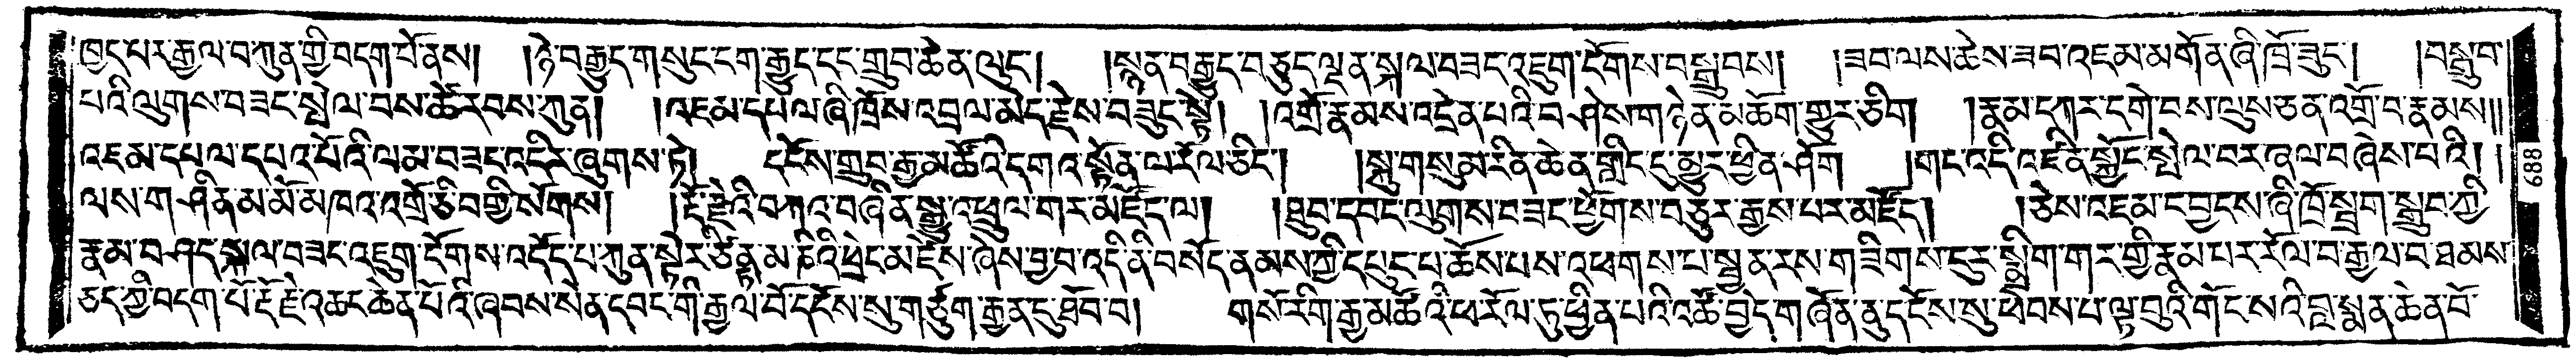ཁྱད་པར་རྒྱལ་བ་ཀུན་གྱི་བདག་པོ་ནས། །ཉེ་བརྒྱུད་གསུང་ངག་རྒྱུད་དང་གྲུབ་ཆེན་ལུང་། །སྙན་བརྒྱུད་བཅུད་ལྡན་སྐལ་བཟང་འཇུག་དོགས་བསྒྲུབས། །ཟབ་ལས་ཆེས་ཟབ་འཇམ་མགོན་ཞི་ཁྲོ་ཟུང་། །བསྒྲུབ་
པའི་ལུགས་བཟང་སྤེལ་བས་ཚེ་རབས་ཀུན། །འཇམ་དཔལ་ཞི་ཁྲོས་འབྲལ་མེད་རྡོ་རྗེས་བཟུང་སྟེ། །འགྲོ་རྣམས་འདྲེན་པའི་བཤེས་གཉེན་མཆོག་གྱུར་ཅིག །རྣམ་དཀར་དགེ་བས་ལུས་ཅན་འགྲོ་བ་རྣམས།།
འཇམ་དཔལ་དཔའ་པོའི་ལམ་བཟང་འདིར་ཞུགས་ཏེ། དངོས་གྲུབ་རྒྱ་མཚོའི་དགའ་སྟོན་ལ་རོལ་ཅིང་། །སྐུ་གསུམ་རིན་ཆེན་གླིང་དུ་མྱུར་ཕྱིན་ཤོག །གང་འདི་འཛིན་སྐྱོང་སྤེལ་བར་ཞལ་བཞེས་པའི། །
ལས་གཤིན་མ་མོ་མཁའ་འགྲོ་ཅི་བགྱི་སོགས། །རྡོ་རྗེའི་བཀའ་བཞིན་སྒྱུ་འཕྲུལ་གར་མཛོད་ལ། །ཐུབ་དབང་ལུགས་བཟང་ཕྱོགས་བཅུར་རྒྱས་པར་མཛོད། །ཅེས་འཇམ་དབྱངས་ཞི་ཁྲོ་སྦྲག་སྒྲུབ་ཀྱི་
རྣམ་བཤད་སྐལ་བཟང་འཇུག་དོགས་འདོད་པ་ཀུན་སྟེར་ཙིནྟ་མ་ཎིའི་ཕྲེང་མཛེས་ཞེས་བྱ་བ་འདི་ནི་བསོད་ནམས་ཀྱི་དཔུང་པ་ཆོས་པས་འཕགས་པ་སྤྱན་རས་གཟིགས་དུར་སྨྲིག་གར་གྱི་རྣམ་པར་རོལ་བ་རྒྱལ་བ་ཐམས་
ཅད་ཀྱི་བདག་པོ་རྡོ་རྗེ་འཆང་ཆེན་པོའི་ཞབས་སེན་དབང་གི་རྒྱལ་བོ་དངོས་སུ་གཙུག་རྒྱན་དུ་ཐོབ་བ། གསོ་རིག་རྒྱ་མཚོའི་ཕ་རོལ་ཏུ་ཕྱིན་པའི་འཚོ་བྱེད་གཞོན་ནུ་དངོས་སུ་ཕེབས་པ་ལྟ་བུའི་གོང་སའི་བླ་སྨན་ཆེན་པོ་